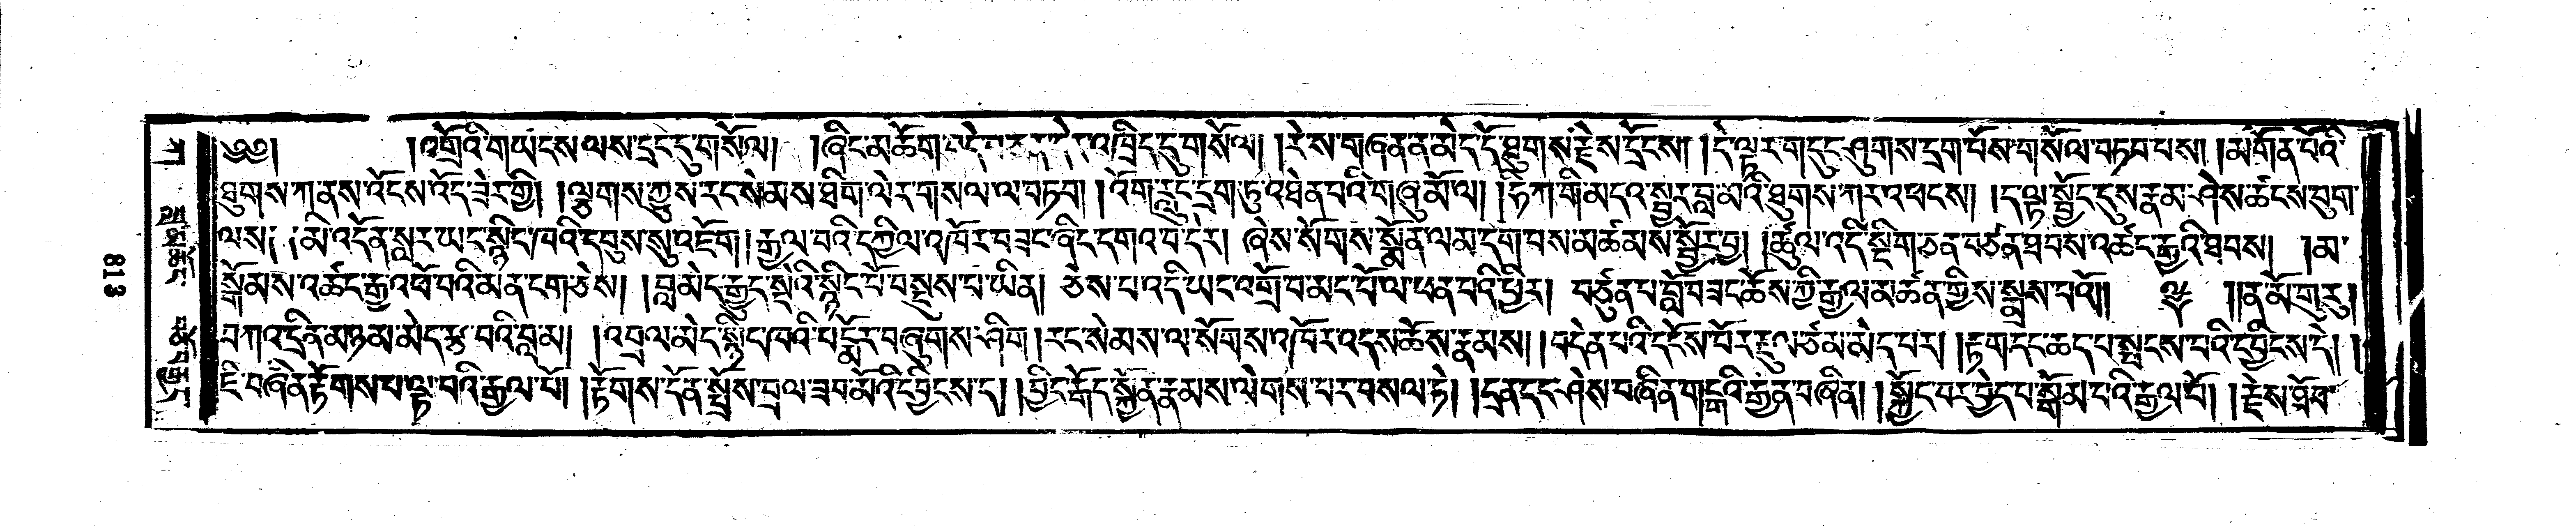༄༅། །འགྲོའི་གཡངས་ལས་དྲང་དུ་གསོལ། །ཞིང་མཆོག་བདེ་བ་ཅན་དེར་འཁྲིད་དུ་གསོལ། །རེ་ས་གཞན་ན་མེད་དོ་ཐུགས་རྗེས་དྲོངས། །དེ་ལྟར་གདུང་ཤུགས་དྲག་པོས་གསོལ་བཏབ་པས། །མགོན་པོའི་
ཐུགས་ཀ་ནས་འོངས་འོད་ཟེར་གྱི། །ལྕགས་ཀྱུས་རང་སེམས་ཐིག་ལེར་གསལ་ལ་བཏབ། །འོག་རླུང་དྲག་ཏུ་འཐེན་པའི་གཞུ་མོ་ལ། །ཧི་ཀ་གི་མདའ་སྦྱར་བླ་མའི་ཐུགས་ཀར་འཕངས། །ད་ལྟ་སྦྱོང་དུས་རྣམ་ཤེས་ཚངས་བུག་
ལས། །མི་འདོན་སླར་ཡང་སྙིང་ཁའི་དབུས་སུ་འཇོག །རྒྱལ་བའི་དཀྱིལ་འཁོར་བཟང་ཞིང་དགའ་བ་དེར། ཞེས་སོགས་སྨོན་ལམ་དག་པས་མཚམས་སྦྱོར་བྱ། །ཚུལ་འདི་སྡིག་ཅན་བཙན་ཐབས་འཚང་རྒྱའི་ཐབས། །མ་
སྒོམས་འཚང་རྒྱ་འཕོ་བའི་མན་ངག་ཅེས། །བླ་མེད་རྒྱུད་སྡེའི་སྙིང་པོ་བསྡུས་པ་ཡིན། ཅེས་པ་འདི་ཡང་འགྲོ་བ་མང་པོ་ལ་ཕན་པའི་ཕྱིར། བཙུན་པ་བློ་བཟང་ཆོས་ཀྱི་རྒྱལ་མཚན་གྱིས་སྨྲས་པའོ།། ༈ །།ན་མོ་གུ་རུ།
བཀའ་དྲིན་མཉམ་མེད་རྩ་བའི་བླ་མ། །འབྲལ་མེད་སྙིང་ཁའི་པདམོར་བཞུགས་ཤིག །རང་སེམས་ལ་སོགས་འཁོར་འདས་ཆོས་རྣམས། །བདེན་པའི་དངོས་པོར་རྡུལ་ཙམ་མེད་པར། །རྟག་དང་ཆད་པ་སྤངས་པའི་དབྱིངས་དེ། །
ཇི་བཞིན་རྟོགས་པ་ལྟ་བའི་རྒྱལ་པོ། །རྟོགས་དོན་སྤྲོས་བྲལ་ཟབ་མོའི་དབྱིངས་དེ། །བྱིང་རྒོད་སྐྱོན་རྣམས་ལེགས་པར་བསལ་ཏེ། །དྲན་དང་ཤེས་བཞིན་གངྒཱའི་རྒྱུན་བཞིན། །སྐྱོང་བར་བྱེད་པ་སྒོམ་པའི་རྒྱལ་པོ། །རྗེས་ཐོབ་